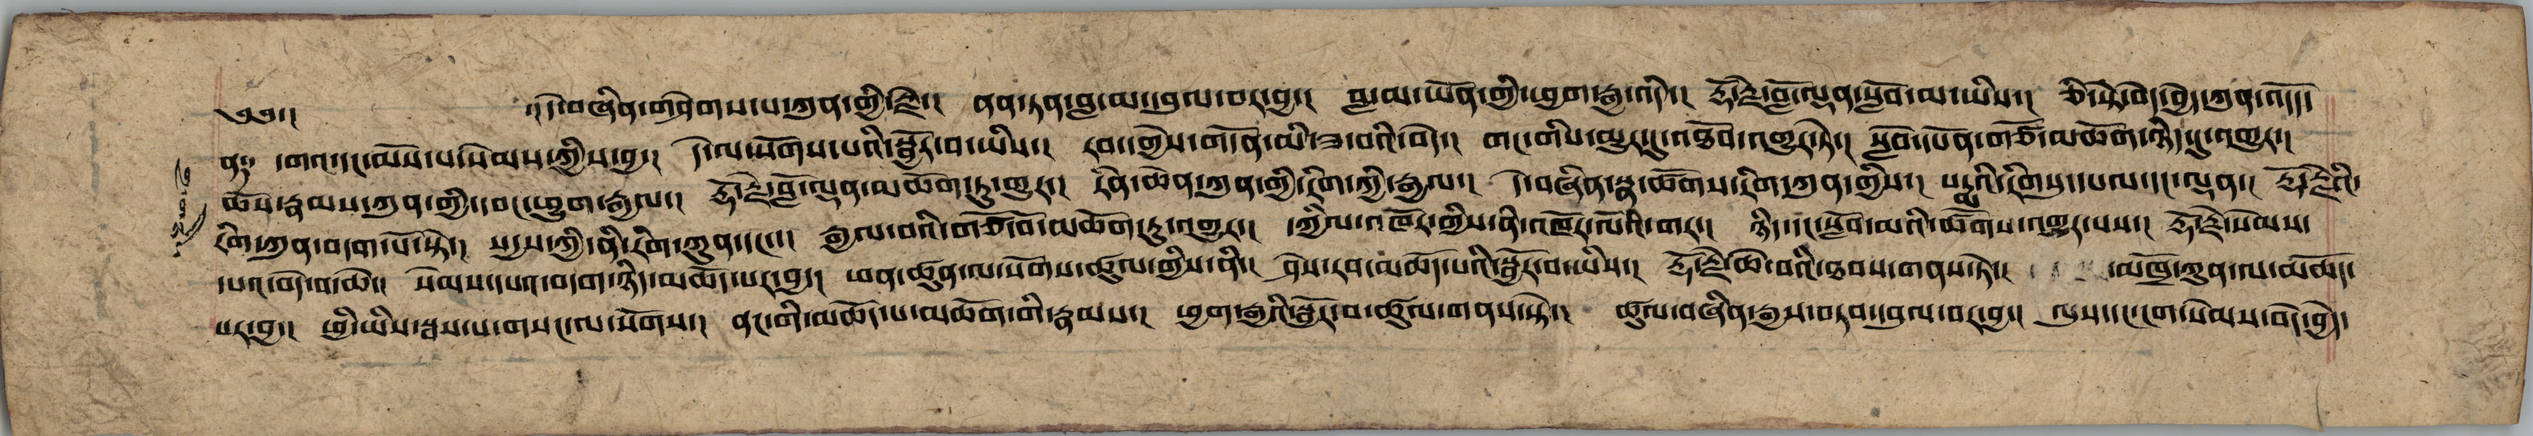༄༅་། ་།དེ་བཞིན་གཤེགས་པ་ཀུན་གྱི་རྗེ་། ནན་ཏན་བླ་མ་དབུལ་བར་བྱ་། བླ་མ་ཡོན་གྱི་ཕྱག་རྒྱ་འདི་། རྡོ་རྗེ་བློ་ལྡན་སློབ་མ་ཡིས་། ཅི་སྟེ་བདེ་བྱེད་ཀུན་འདོད་
ན༑ དགའ་དང་མོས་པ་སེམས་ཀྱིས་བྱ་། དེ་ལ་སོགས་པའི་སྦྱོར་བ་ཡིས་། རབ་དགྱེས་གདོན་མི་ཟ་བའི་བདེ་། གང་གིས་མྱུར་དུ་འཐོབ་འགྱུར་ཏེ་། སློབ་དཔོན་གཙོ་མཆོག་ཉིད་དུ་འགྱུར་།
ཆོས་རྣམས་ཀུན་གྱི་དབང་ཕྱུག་རྒྱལ་། རྡོ་རྗེ་བློ་ལྡན་མཆོག་ཏུ་གྱུར་། རིན་ཆེན་ཀུན་གྱི་རིག་ཀྱི་རྒྱལ་། དེ་བཞིན་སྣ་ཚོགས་རིག་ཀུན་གྱིས་། པདྨའི་རིགསུ་དཔལ་དང་ལྡན་། རྡོ་རྗེའི་
རིག་ཀུན་བདག་པོ་སྟེ་། སདྱས་ཀྱི་ནི་རིག་ཀུན་དང་་། རྒྱལ་བའི་གཙོ་བོ་མཆོག་ཏུ་འགྱུར་། དཀྱིལ་འཁོར་གྱིས་ནི་འཁོར་ལོའི་གར་། ཉིད་དང་སློབ་མའི་ཚོགས་འགྱུར་པས་། རྡོ་རྗེ་སེམས་
དཔའ་བདེ་བ་ཆེ་། སེམས་དཔའ་བདག་ཉིད་མཆོད་པར་བྱ་། ཕན་ཚུན་ལ་སོགས་ཚུལ་གྱིས་ནི་། ཤེས་རབ་མཆོད་པའི་སྦྱོར་བ་ཡིས་། རྡོ་རྗེ་ཆེ་བའི་ཐབས་གནས་ཏེ་། མཁྲོ་ཀུན་ལ་མཆོད་
པར་བྱ་། ཕྱི་ཡིས་སྦས་པ་གསང་ལ་སོགས་། ནང་གི་མཆོད་པ་མཆོག་གི་རྣམས་། ཕྱག་རྒྱའི་སྦྱོར་བ་ཚུལ་གནས་ཏེ་། ཚུལ་བཞིན་རྒྱས་བཏབ་དབུལ་བར་བྱ་། ལུས་དང་ངག་སེམས་བདེ་བྱེད་